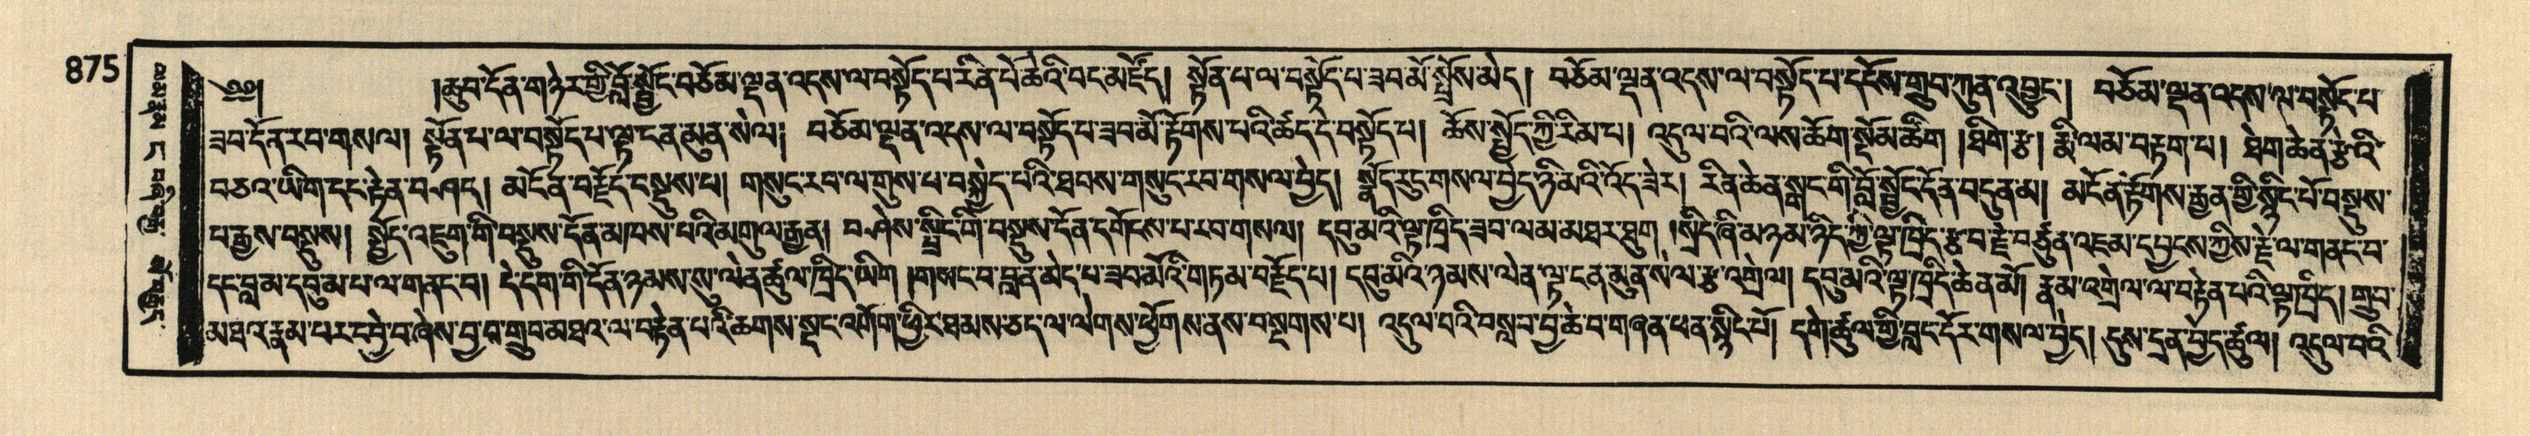༄༅། །ཆུབ་དོན་གཉེར་གྱི་བློ་སྦྱོང་བཅོམ་ལྡན་འདས་ལ་བསྟོད་པ་རིན་པོ་ཆེའི་བང་མཛོད། སྟོན་པ་ལ་བསྟོད་པ་ཟབ་མོ་སྤྲོས་མེད། བཅོམ་ལྡན་འདས་ལ་བསྟོད་པ་དངོས་གྲུབ་ཀུན་འབྱུང་། བཅོམ་ལྡན་འདས་ལ་བསྟོང་པ་
ཟབ་དོན་རབ་གསལ། སྟོན་པ་ལ་བསྟོད་པ་ལྟ་ངན་མུན་སེལ། བཅོམ་ལྡན་འདས་ལ་བསྟོད་པ་ཟབ་མོ་རྟོགས་པའི་ཚད་དེ་བསྟོད་པ། ཆོས་སྤྱོད་ཀྱི་རིམ་པ། འདུལ་བའི་ལས་ཆོག་སྡོམ་ཚིག །ཐིག་རྩ། རྨི་ལམ་བརྟག་པ། ཐེག་ཆེན་རྩེའི་
བཅའ་ཡིག་དང་རྟེན་བཤད། མངོན་བརྗོད་བསྡུས་པ། གསུང་རབ་ལ་གུས་པ་བསྐྱེད་པའི་ཐབས་གསུང་རབ་གསལ་བྱེད། སྣོད་རུང་གསལ་བྱེད་ཉི་མའི་འོད་ཟེར། རིན་ཆེན་སྒང་གི་བློ་སྦྱོང་དོན་བདུན་མ། མངོན་རྟོགས་རྒྱན་གྱི་སྙིང་པོ་བསྡུས་
པ་རྒྱས་བསྡུས། སྤྱོད་འཇུག་གི་བསྡུས་དོན་མཁས་པའི་མགུལ་རྒྱན། བཤེས་སྤྲིང་གི་བསྡུས་དོན་དགོངས་པ་རབ་གསལ། དབུ་མའི་ལྟ་ཁྲིད་ཟབ་ལམ་མཐར་ཐུག །སྲིད་ཞི་མཉམ་ཉིད་ཀྱི་ལྟ་ཁྲིད་རྩ་བ་རྗེ་བཙུན་འཇམ་དབྱངས་ཀྱིས་རྗེ་ལ་གནང་བ་
དང་བླ་མ་དབུ་མ་པ་ལ་གནང་བ། དེ་དག་གི་དོན་ཉམས་སུ་ལེན་ཚུལ་ཁྲིད་ཡིག །གསང་བ་བླ་ན་མེད་པ་ཟབ་མོའི་གཏམ་བརྗོད་པ། དབུ་མའི་ཉམས་ལེན་ལྟ་ངན་མུན་སེལ་རྩ་འགྲེལ། དབུ་མའི་ལྟ་ཁྲིད་ཆེན་མོ། རྣམ་འགྲེལ་ལ་བརྟེན་པའི་ལྟ་ཁྲིད། གྲུབ་
མཐའ་རྣམ་པར་དབྱེ་བ་ཞེས་བྱ་བ་གྲུབ་མཐའ་ལ་བརྟེན་པའི་ཆགས་སྡང་འགོག་ཕྱིར་ཐམས་ཅད་ལ་ལེགས་ཕྱོགས་ནས་བསྔགས་པ། འདུལ་བའི་བསླབ་བྱ་ཆེ་བ་གཞན་ཕན་སྙིང་པོ། དགེ་ཚུལ་གྱི་བླང་དོར་གསལ་བྱེད། དུས་དྲན་བྱེད་ཚུལ། འདུལ་བའི་